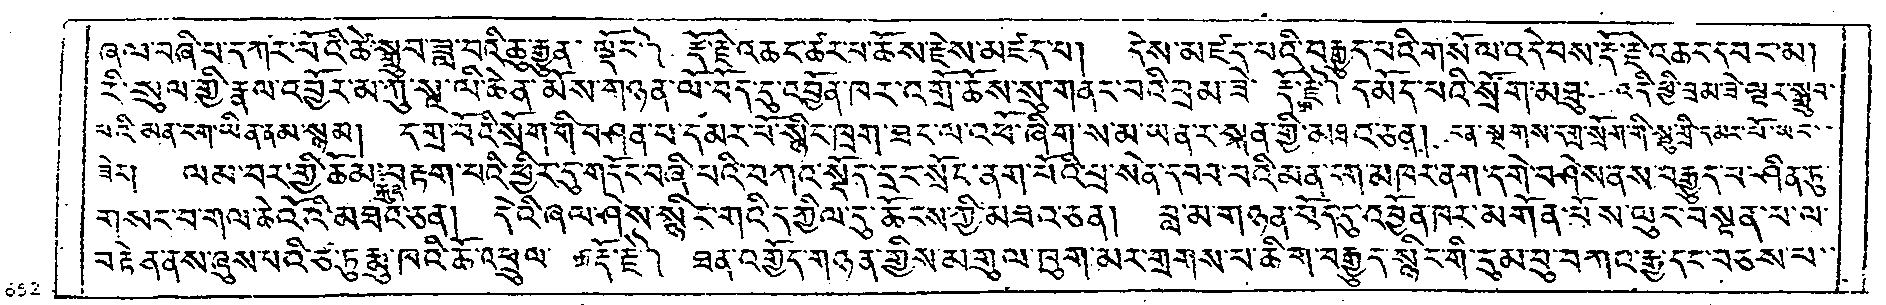ཞལ་བཞི་པ་དཀར་པོའི་ཚེ་སྒྲུབ་ཟླ་བའི་ཆུ་རྒྱུན་ལྡོང྄་རྡོ་རྗེ་འཆང་ཚར་པ་ཆོས་རྗེས་མཛད་པ། དེས་མཛད་པའི་བརྒྱུད་པའི་གསོལ་འདེབས་རྡོ་རྗེ་འཆང་དབང་མ།
རི་སུལ་གྱི་རྣལ་འབྱོར་མ་ཀུ་སཱ་ལི་ཆེན་མོས་གཉན་ལོ་བོད་དུ་འབྱོན་ཁར་འགྲོ་ཆོས་སུ་གནང་བའི་བྲམ་ཟེ་རྡོ་~྾་རྗ྄ེ་དམོད་པའི་སྲོག་མཐུ་འདི་ཕྱི་བྲམ་ཟེ་ལྟར་སྒྲུབ་
པའི་མན་ངག་ཡིན་ནམ་སྙམ། དགྲ་བོའི་སྲོག་གི་བཤན་པ་དམར་པོ་སྙིང་ཁྲག་ཐང་ལ་འཕོ་ཞིག་ས་མ་ཡ་ན་ར་སྐན་གྱི་མཐའ་ཅན། ངན་སྔགས་དགྲ་སྲོག་གི་སྤུ་གྲི་དམར་པོ་ཡང་
ཟེར། ལམ་བར་གྱི་ཆོམ་རྐུན་བརྟག་པའི་ཕྱིར་དུ་གདོང་བཞི་པའི་བཀའ་སྡོད་དྲང་སྲོང་ནག་པོའི་པྲ་སེན་དབབ་པའི་མན་ངག་མཁར་ནག་དགེ་བཤེས་ནས་བརྒྱུད་པ་ཤིན་ཏུ་
གསང་བ་གལ་ཆེའོའི་མཐའ་ཅན། དེའི་ཞལ་ཤེས་སྙིང་གའི་དཀྱིལ་དུ་ཆོངས་ཀྱི་མཐའ་ཅན། བླ་མ་གཉན་བོད་དུ་འབྱོན་ཁར་མགོན་པོས་ལུང་བསྟན་པ་ལ་
བརྟེན་ནས་ཞུས་པའི་ཙ་ཏུརྨུ་ཁའི་ཆོ་འཕྲུལ་~྾་རྡོ་རྗ྄ེ་ཐན་འགྱོད་གཉན་གྱིས་མགུལ་ཁུག་མར་གྲགས་པ་ཆིག་བརྒྱུད་སྙིང་གི་དུམ་བུ་བཀའ་རྒྱ་དང་བཅས་པ་